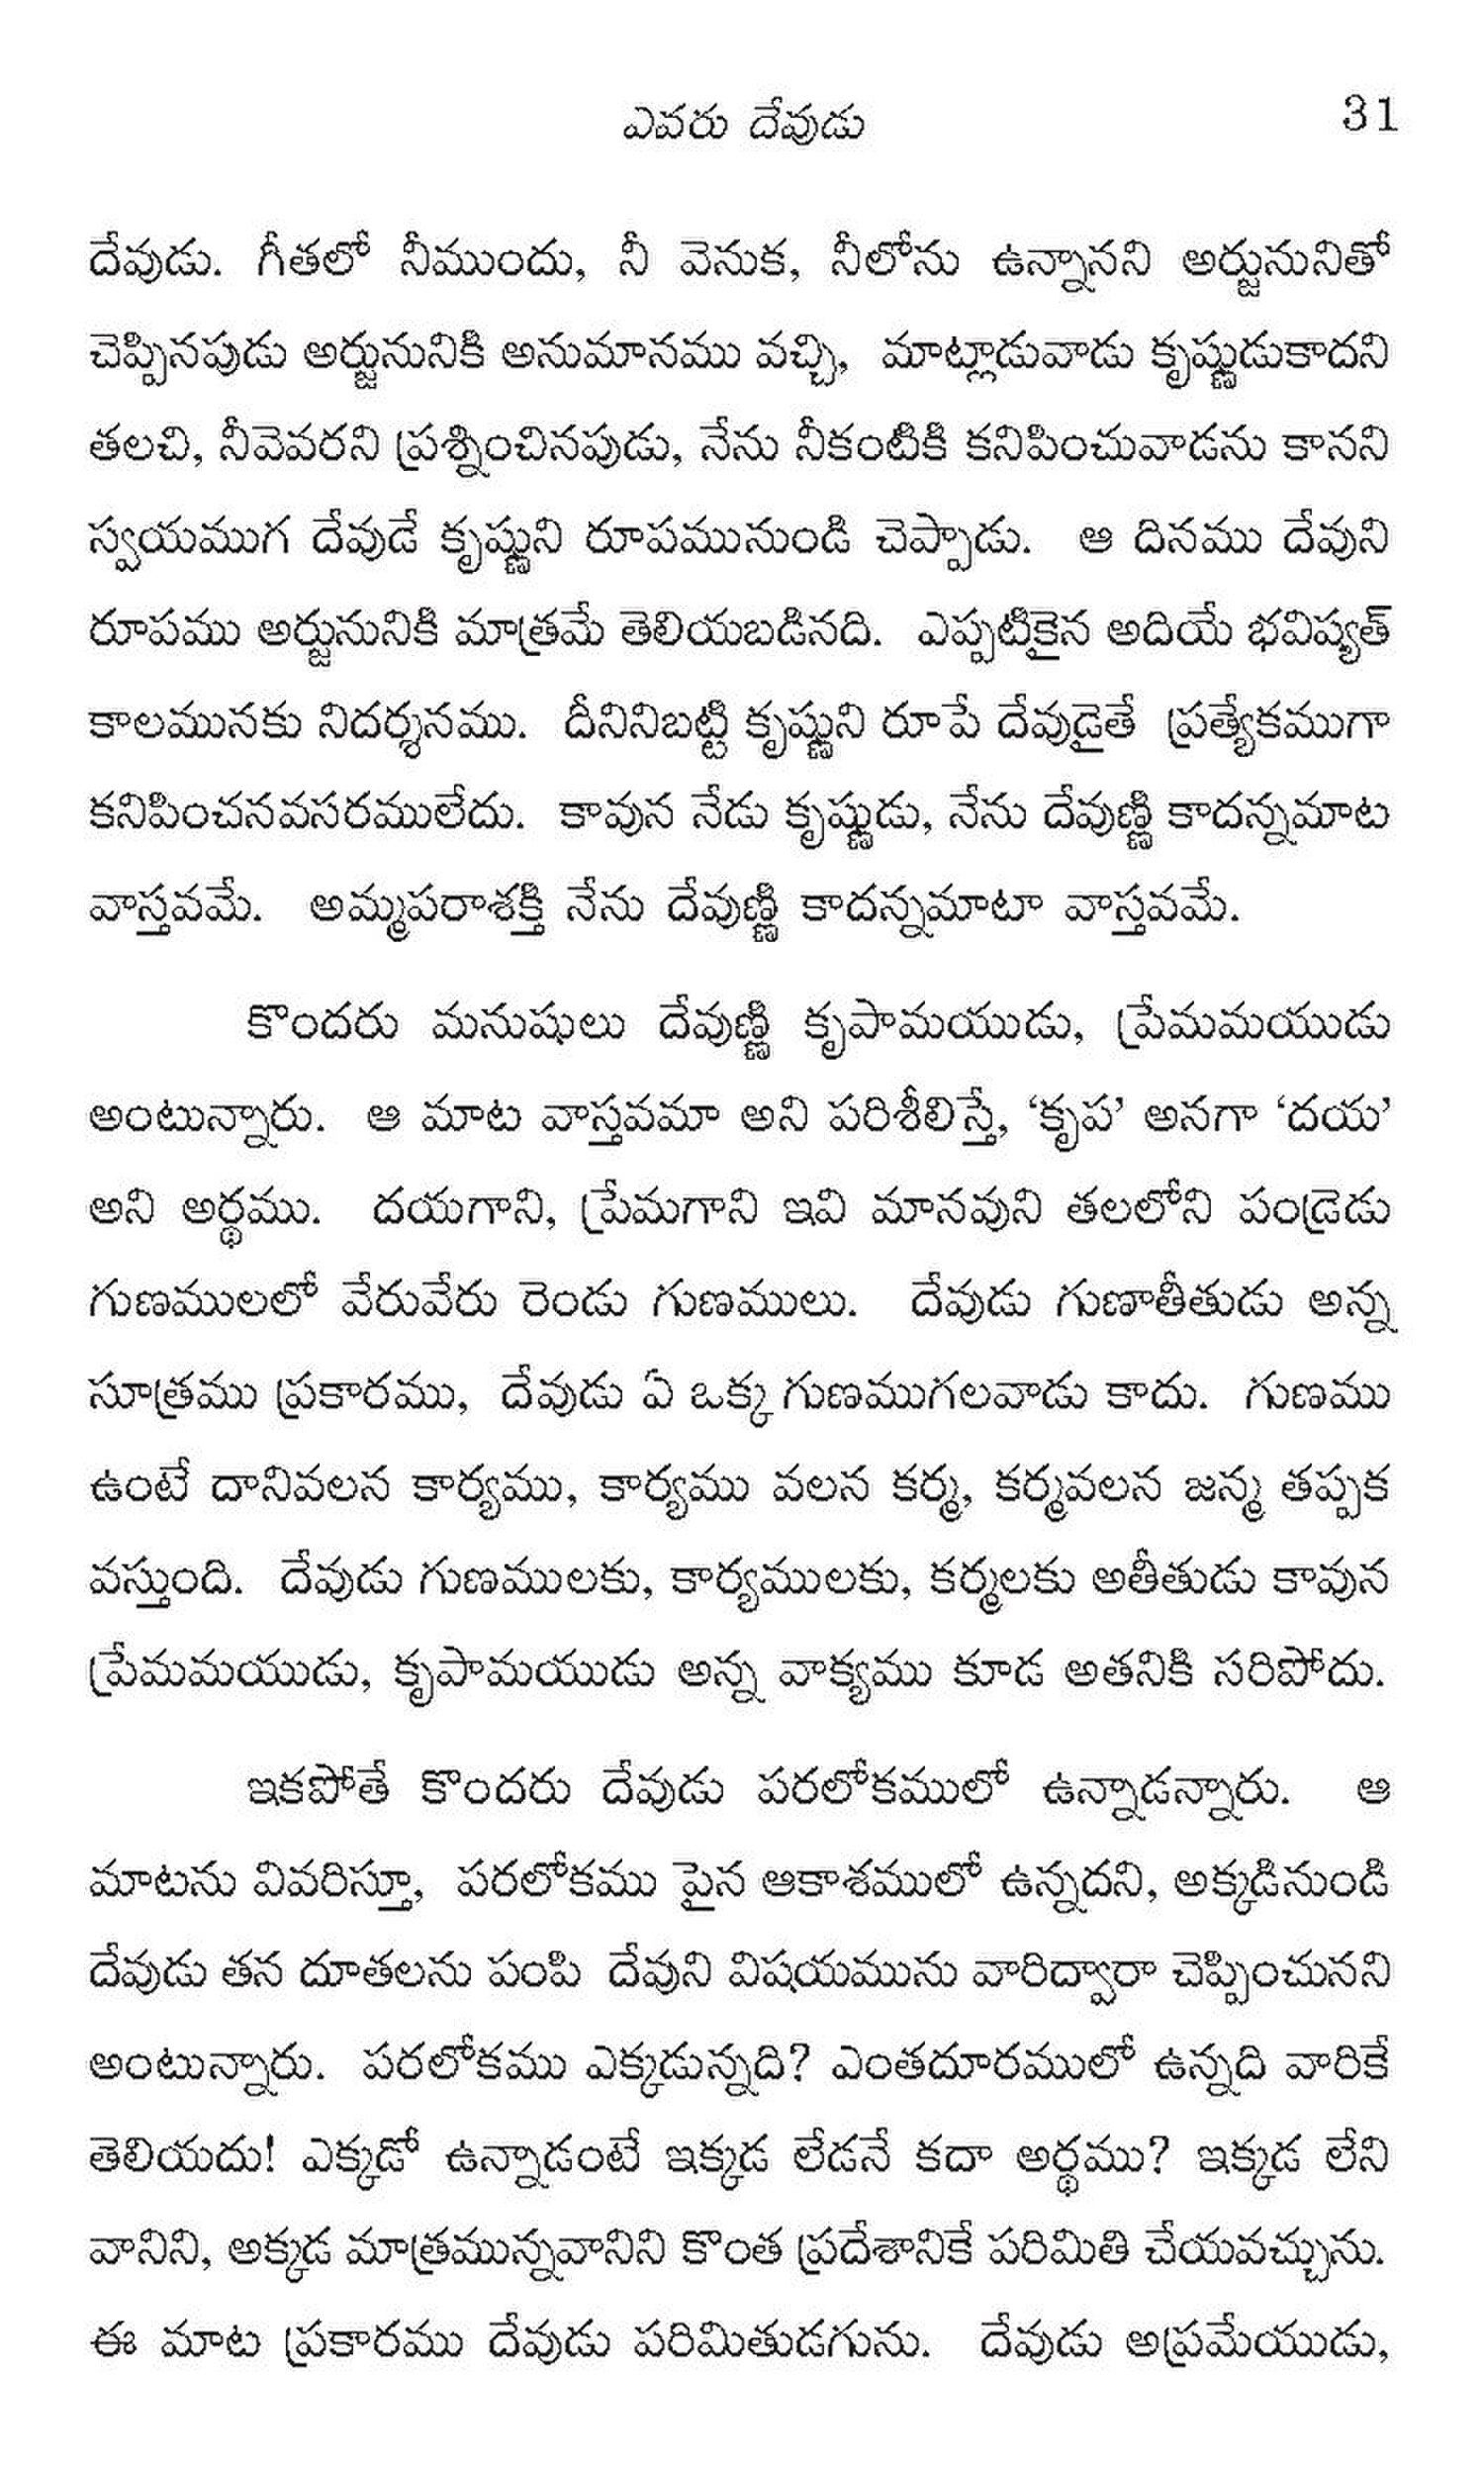దేవుడు. గీతలో నీముందు, నీ వెనుక, నీలోను ఉన్నానని అర్జునునితో చెప్పినపుడు అర్జునునికి అనుమానము వచ్చి, మాట్లాడువాడు కృష్ణుడుకాదని తలచి, నీవెవరని ప్రశ్నించినపుడు, నేను నీకంటికి కనిపించువాడను కానని స్వయముగ దేవుడే కృష్ణుని రూపమునుండి చెప్పాడు. ఆ దినము దేవుని రూపము అర్జునునికి మాత్రమే తెలియబడినది. ఎప్పటికైన అదియే భవిష్యత్‌ కాలమునకు నిదర్శనము. దీనినిబట్టి కృష్ణుని రూపే దేవుడైతే ప్రత్యేకముగా కనిపించనవసరము లేదు. కావున నేడు కృష్ణుడు, నేను దేవుణ్ణి కాదన్నమాట వాస్తవమే. అమ్మపరాశక్తి నేను దేవుణ్ణి కాదన్నమాటా వాస్తవమే.

కొందరు మనుషులు దేవుణ్ణి కృపామయుడు, ప్రేమమయుడు అంటున్నారు. ఆ మాట వాస్తవమా అని పరిశీలిస్తే, ‘కృప’ అనగా ‘దయ’ అని అర్థము. దయగాని, ప్రేమగాని ఇవి మానవుని తలలోని పండ్రెడు గుణములలో వేరువేరు రెండు గుణములు. దేవుడు గుణాతీతుడు అన్న సూత్రము ప్రకారము, దేవుడు ఏ ఒక్క గుణముగలవాడు కాదు. గుణము ఉంటే దానివలన కార్యము, కార్యము వలన కర్మ, కర్మవలన జన్మ తప్పక వస్తుంది. దేవుడు గుణములకు, కార్యములకు, కర్మలకు అతీతుడు కావున ప్రేమమయుడు, కృపామయుడు అన్న వాక్యము కూడ అతనికి సరిపోదు.

ఇకపోతే కొందరు దేవుడు పరలోకములో ఉన్నాడన్నారు. ఆ మాటను వివరిస్తూ, పరలోకము పైన ఆకాశములో ఉన్నదని, అక్కడినుండి దేవుడు తన దూతలను పంపి దేవుని విషయమును వారిద్వారా చెప్పించునని అంటున్నారు. పరలోకము ఎక్కడున్నది? ఎంతదూరములో ఉన్నది వారికే తెలియదు! ఎక్కడో ఉన్నాడంటే ఇక్కడ లేడనే కదా అర్థము? ఇక్కడ లేని వానిని, అక్కడ మాత్రమున్నవానిని కొంత ప్రదేశానికే పరిమితి చేయవచ్చును. ఈ మాటప్రకారము దేవుడు పరిమితుడగును. దేవుడు అప్రమేయుడు,